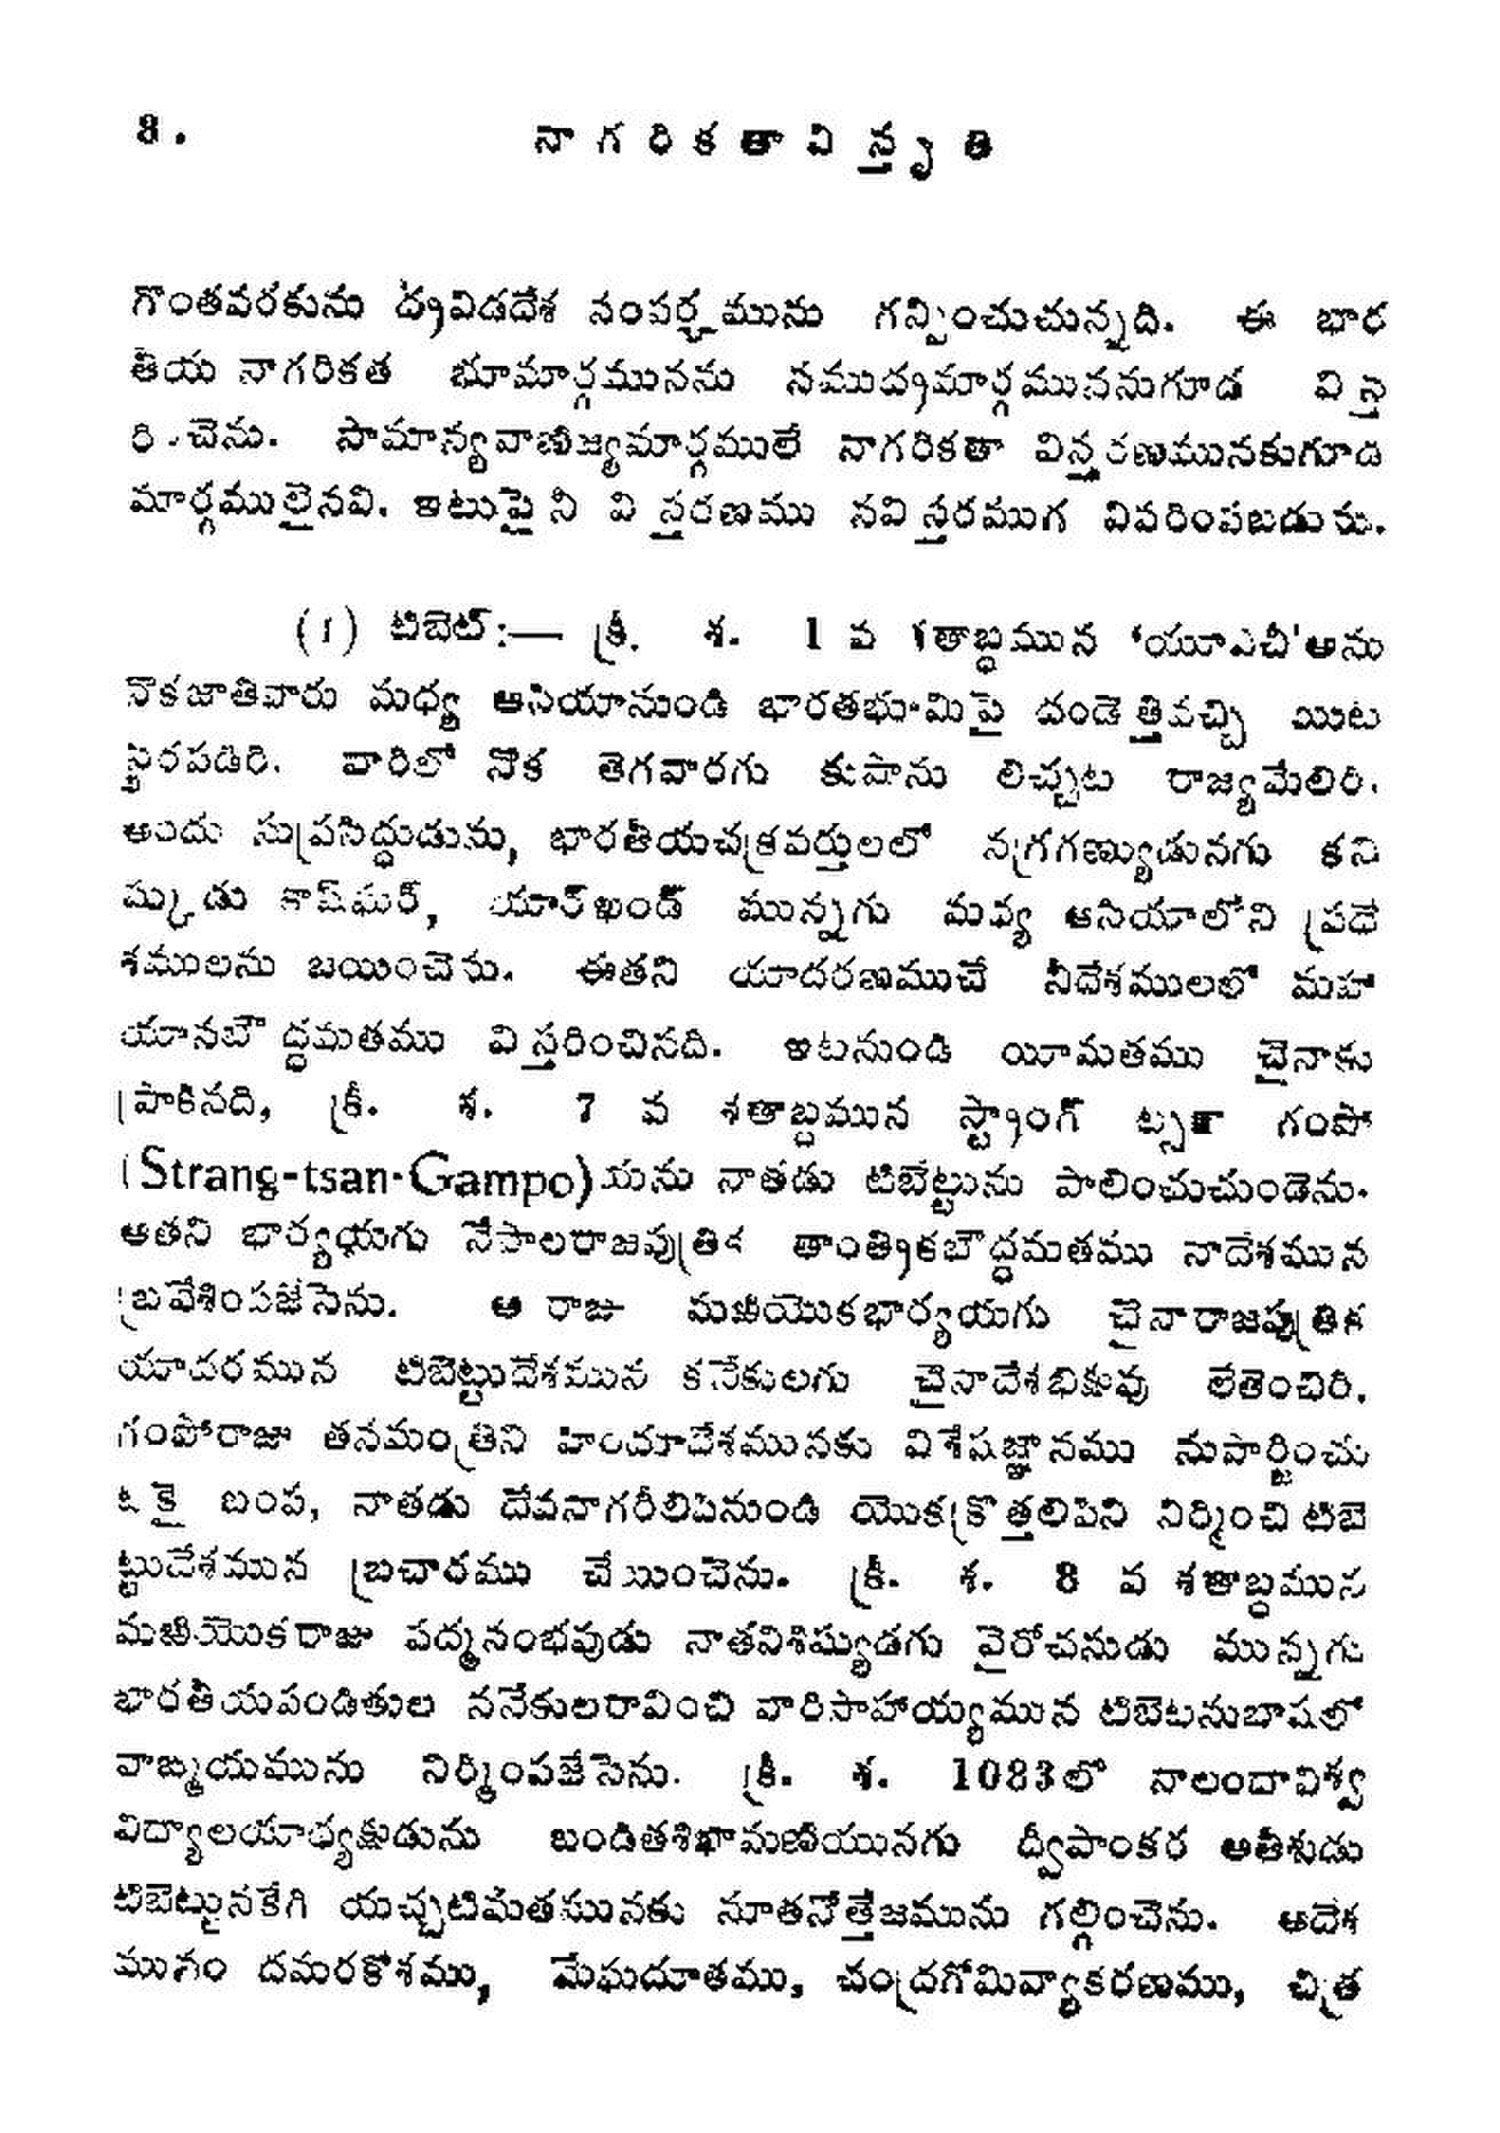గొంతవరకును ద్రవిడదేశ సంపర్కమును గన్పించుచున్నది. ఈ భారతీయ నాగరికత భూమార్గమునను సముద్రమార్గముననుగూడ విస్తరించెను. సామాన్యవాణిజ్యమార్గములే నాగరికతా విస్తరణమునకుగూడ మార్గములైనవి. ఇటుపైనీ విస్తరణము సవిస్తరముగ వివరింపబడును.

(1) టిబెట్:- క్రీ. శ. 1 వ శతాబ్దమున 'యూఎచీ' అను నొకజాతివారు మధ్య ఆసియానుండి భారతభూమిపై దండెత్తివచ్చి యిట స్థిరపడిరి. వారిలో నొక తెగవారగు కుపాను లిచ్చట రాజ్యమేలిరి. అందు సుప్రసిద్దుడును, భారతీయచక్రవర్తులలో నగ్రగణ్యుడునగు కనిష్కుడు కాష్‌ఘర్, యార్‌ఖండ్ మున్నగు మద్య ఆసియాలోని ప్రదేశములను జయించెను. ఈతని యాదరణముచే నీదేశములలో మహాయానబౌద్దమతము విస్తరించినది. ఇటనుండి యీమతము చైనాకు ప్రాకినది. క్రీ. శ. 7 వ శతాబ్దమున స్ట్రాంగ్ ట్సన్ గంపో (Strang-tsan-Gampo)యను నాతడు టిబెట్టును పాలించుచుండెను. అతని భార్యయగు నేపాలరాజపుత్రిక తాంత్రికబౌద్దమతము నాదేశమున బ్రవేశింపజేసెను. అ రాజు మఱియొకభార్యయగు చైనారాజపుత్రిక యాదరమున టిబెట్టుదేశమున కనేకులగు చైనాదేశభిక్షవు లేతెంచిరి. గంపోరాజు తనమంత్రిని హిందూదేశమునకు విశేషజ్ఞానము నుపార్జించుటకై బంప, నాతడు దేవనాగరీలిపినుండి యొకక్రొత్తలిపిని నిర్మించి టిబెట్టుదేశమున బ్రచారము చేయించెను. క్రీ. శ. 8 వ శతాబ్దమున మఱియొకరాజు పద్మసంభవుడు నాతనిశిష్యుడగు వైరోచనుడు మున్నగు భారతీయపండితుల ననేకులరావించి వారిసాహాయ్యమున టిబెటనుభాషలో వాఙ్మయమును నిర్మింపజేసెను. క్రీ. శ. 1083 లోనాలందావిశ్వవిద్యాలయాధ్యక్షుడును బండితశిఖామణియునగు ద్వీపాంకర అతీశుడు టిబెట్టునకేగి యచ్చటిమతమునకు నూతనోత్తేజమును గల్గించెను. ఆదేశమునం దమరకోశము, మేఘదూతము, చంద్రగోమివ్యాకరణము, చిత్ర